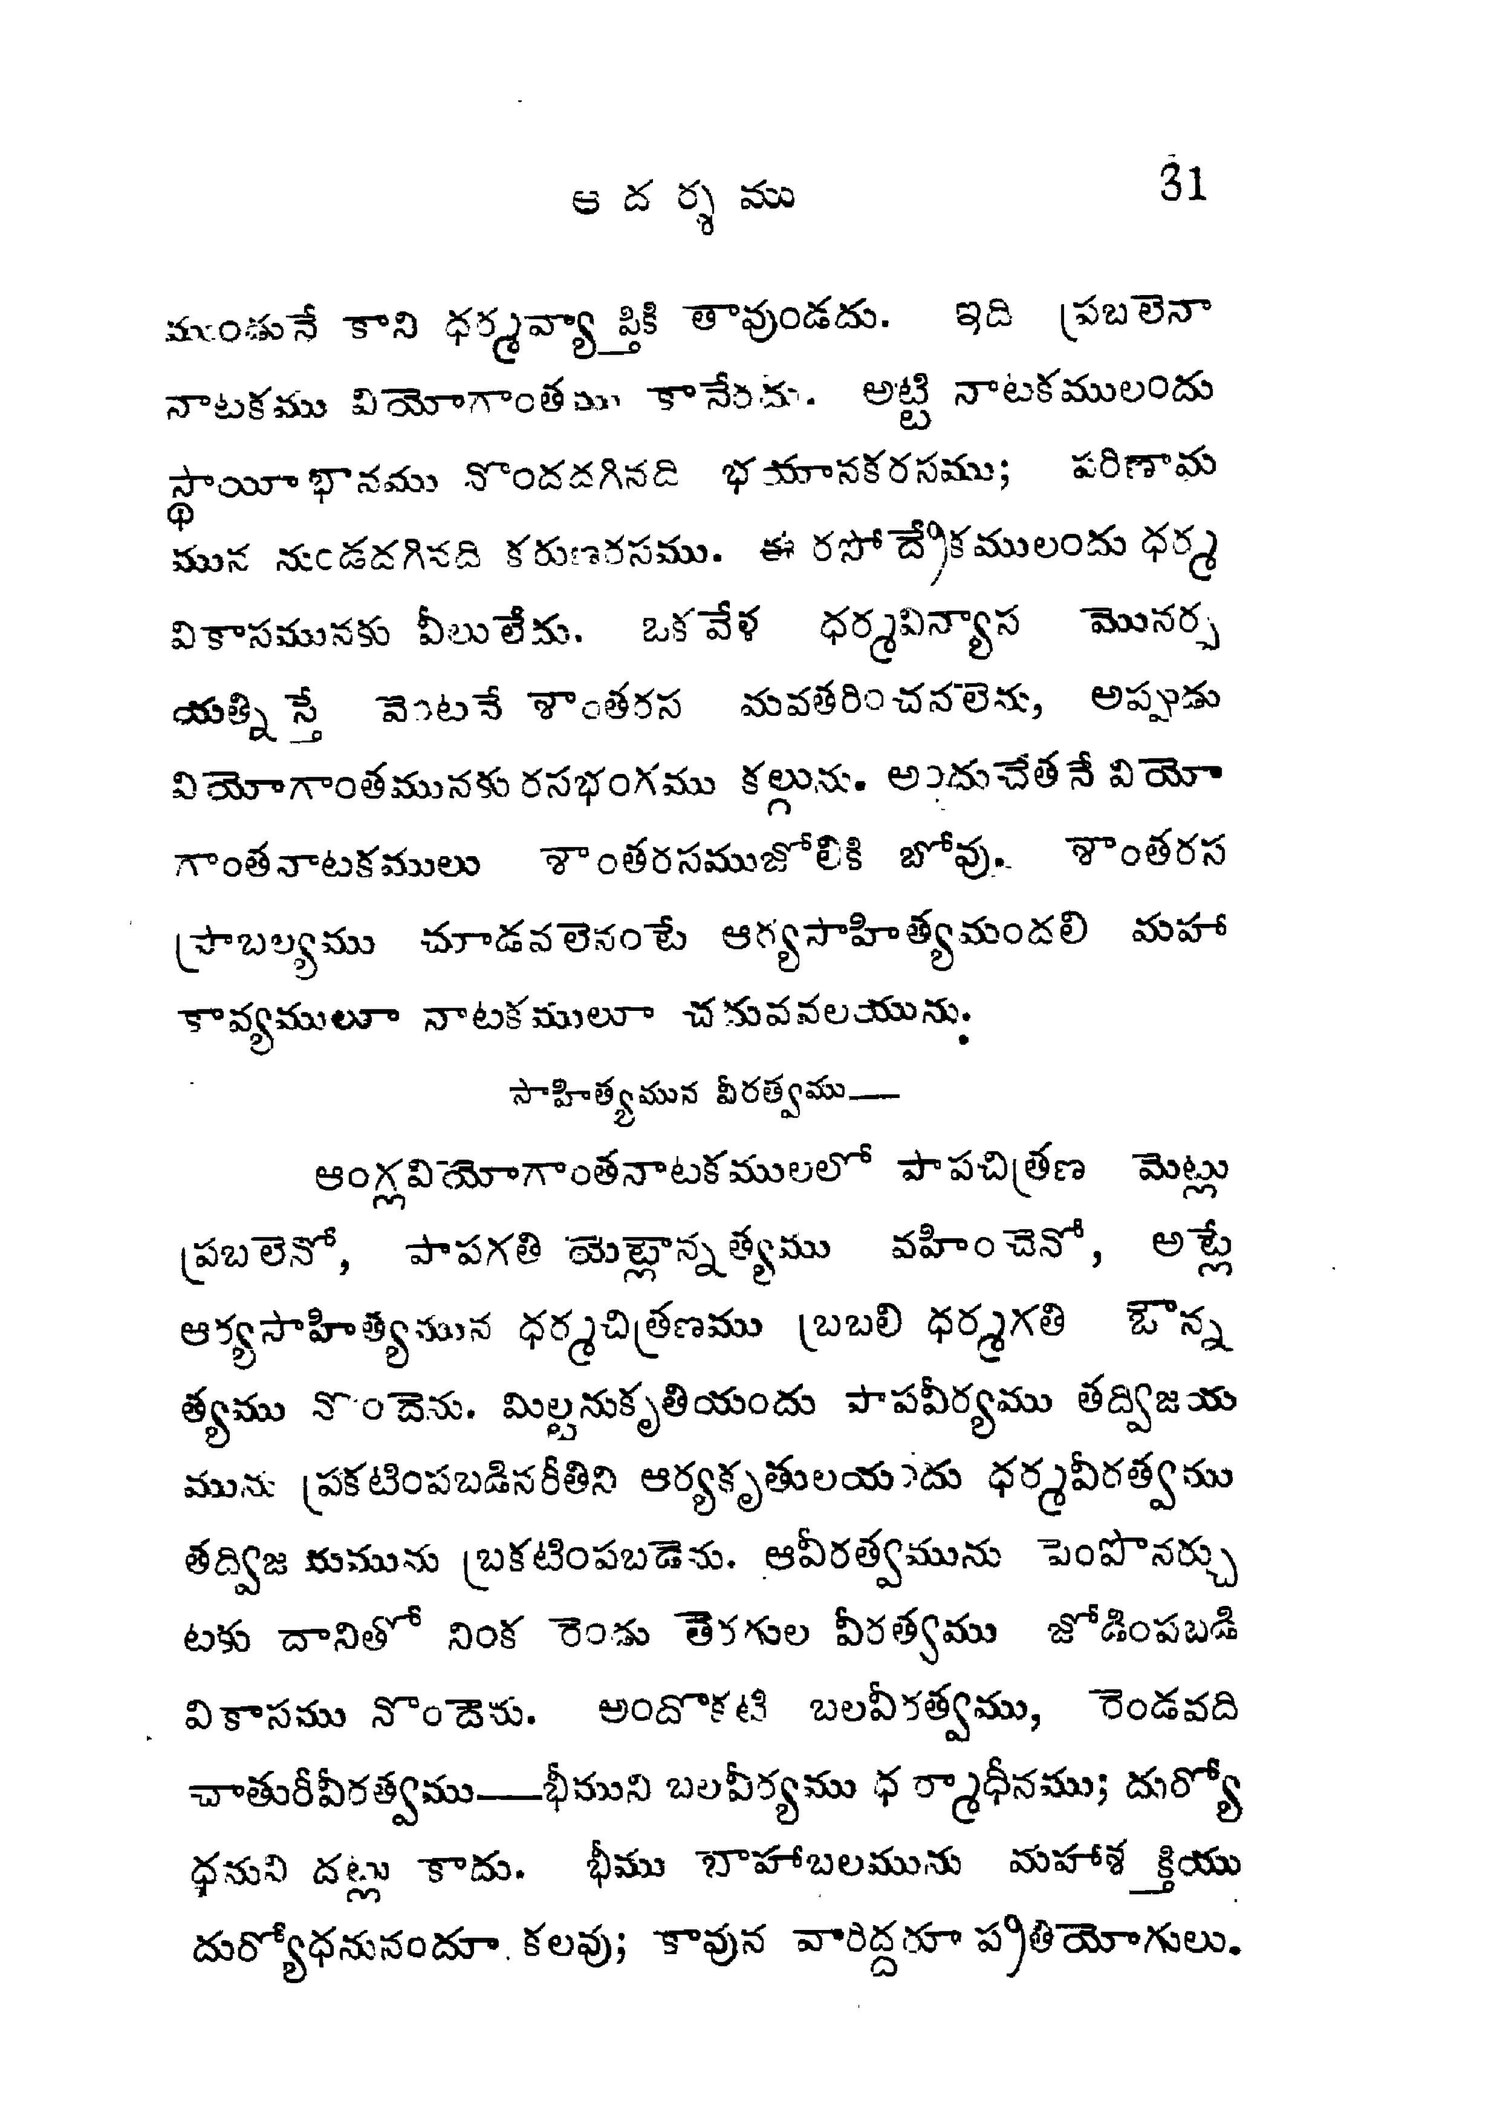ముండునే కాని ధర్మవ్యాప్తికి తావుండదు. ఇది ప్రబలెనా నాటకము వియోగాంతము కానేరదు. అట్టి నాటకములందు స్థాయీభావము నొందదగినది భయానకరసము; పరిణామమున నుండదగినది కరుణరసము. ఈ రసోద్రేకములందు ధర్మ వికాసమునకు వీలులేదు. ఒకవేళ ధర్మవిన్యాస మొనర్ప యత్నిస్తే వెంటనే శాంతరస మవతరించవలెను, అప్పుడు వియోగాంతమునకు రసభంగము కల్గును. అందుచేతనే వియోగాంతనాటకములు శాంతరసముజోలికి బోవు. శాంతరస ప్రాబల్యము చూడవలెనంటే ఆర్యసాహిత్యమందలి మహా కావ్యములూ నాటకములూ చదువవలయును.

ఆంగ్లవియోగాంతనాటకములలో పాపచిత్రణ మెట్లు ప్రబలెనో, పాపగతి యెట్లౌన్నత్యము వహించెనో, అట్లే ఆర్యసాహిత్యమున ధర్మచిత్రణము బ్రబలి ధర్మగతి ఔన్నత్యము నొందెను. మిల్టనుకృతియందు పాపవీర్యము తద్విజయమును ప్రకటింపబడినరీతిని ఆర్యకృతులయందు ధర్మవీరత్వము తద్విజయమును బ్రకటింపబడెను. ఆవీరత్వమును పెంపొనర్చుటకు దానితో నింక రెండు తెరగుల వీరత్వము జోడింపబడి వికాసము నొందెను. అందొకటి బలవీరత్వము, రెండవది చాతురీవీరత్వము - భీముని బలవీర్యము ధర్మాధీనము; దుర్యోధనుని దట్లు కాదు. భీము బాహాబలమును మహాశక్తియు దుర్యోధనునందూ కలవు; కావున వారిద్దరూ ప్రతియోగులు.